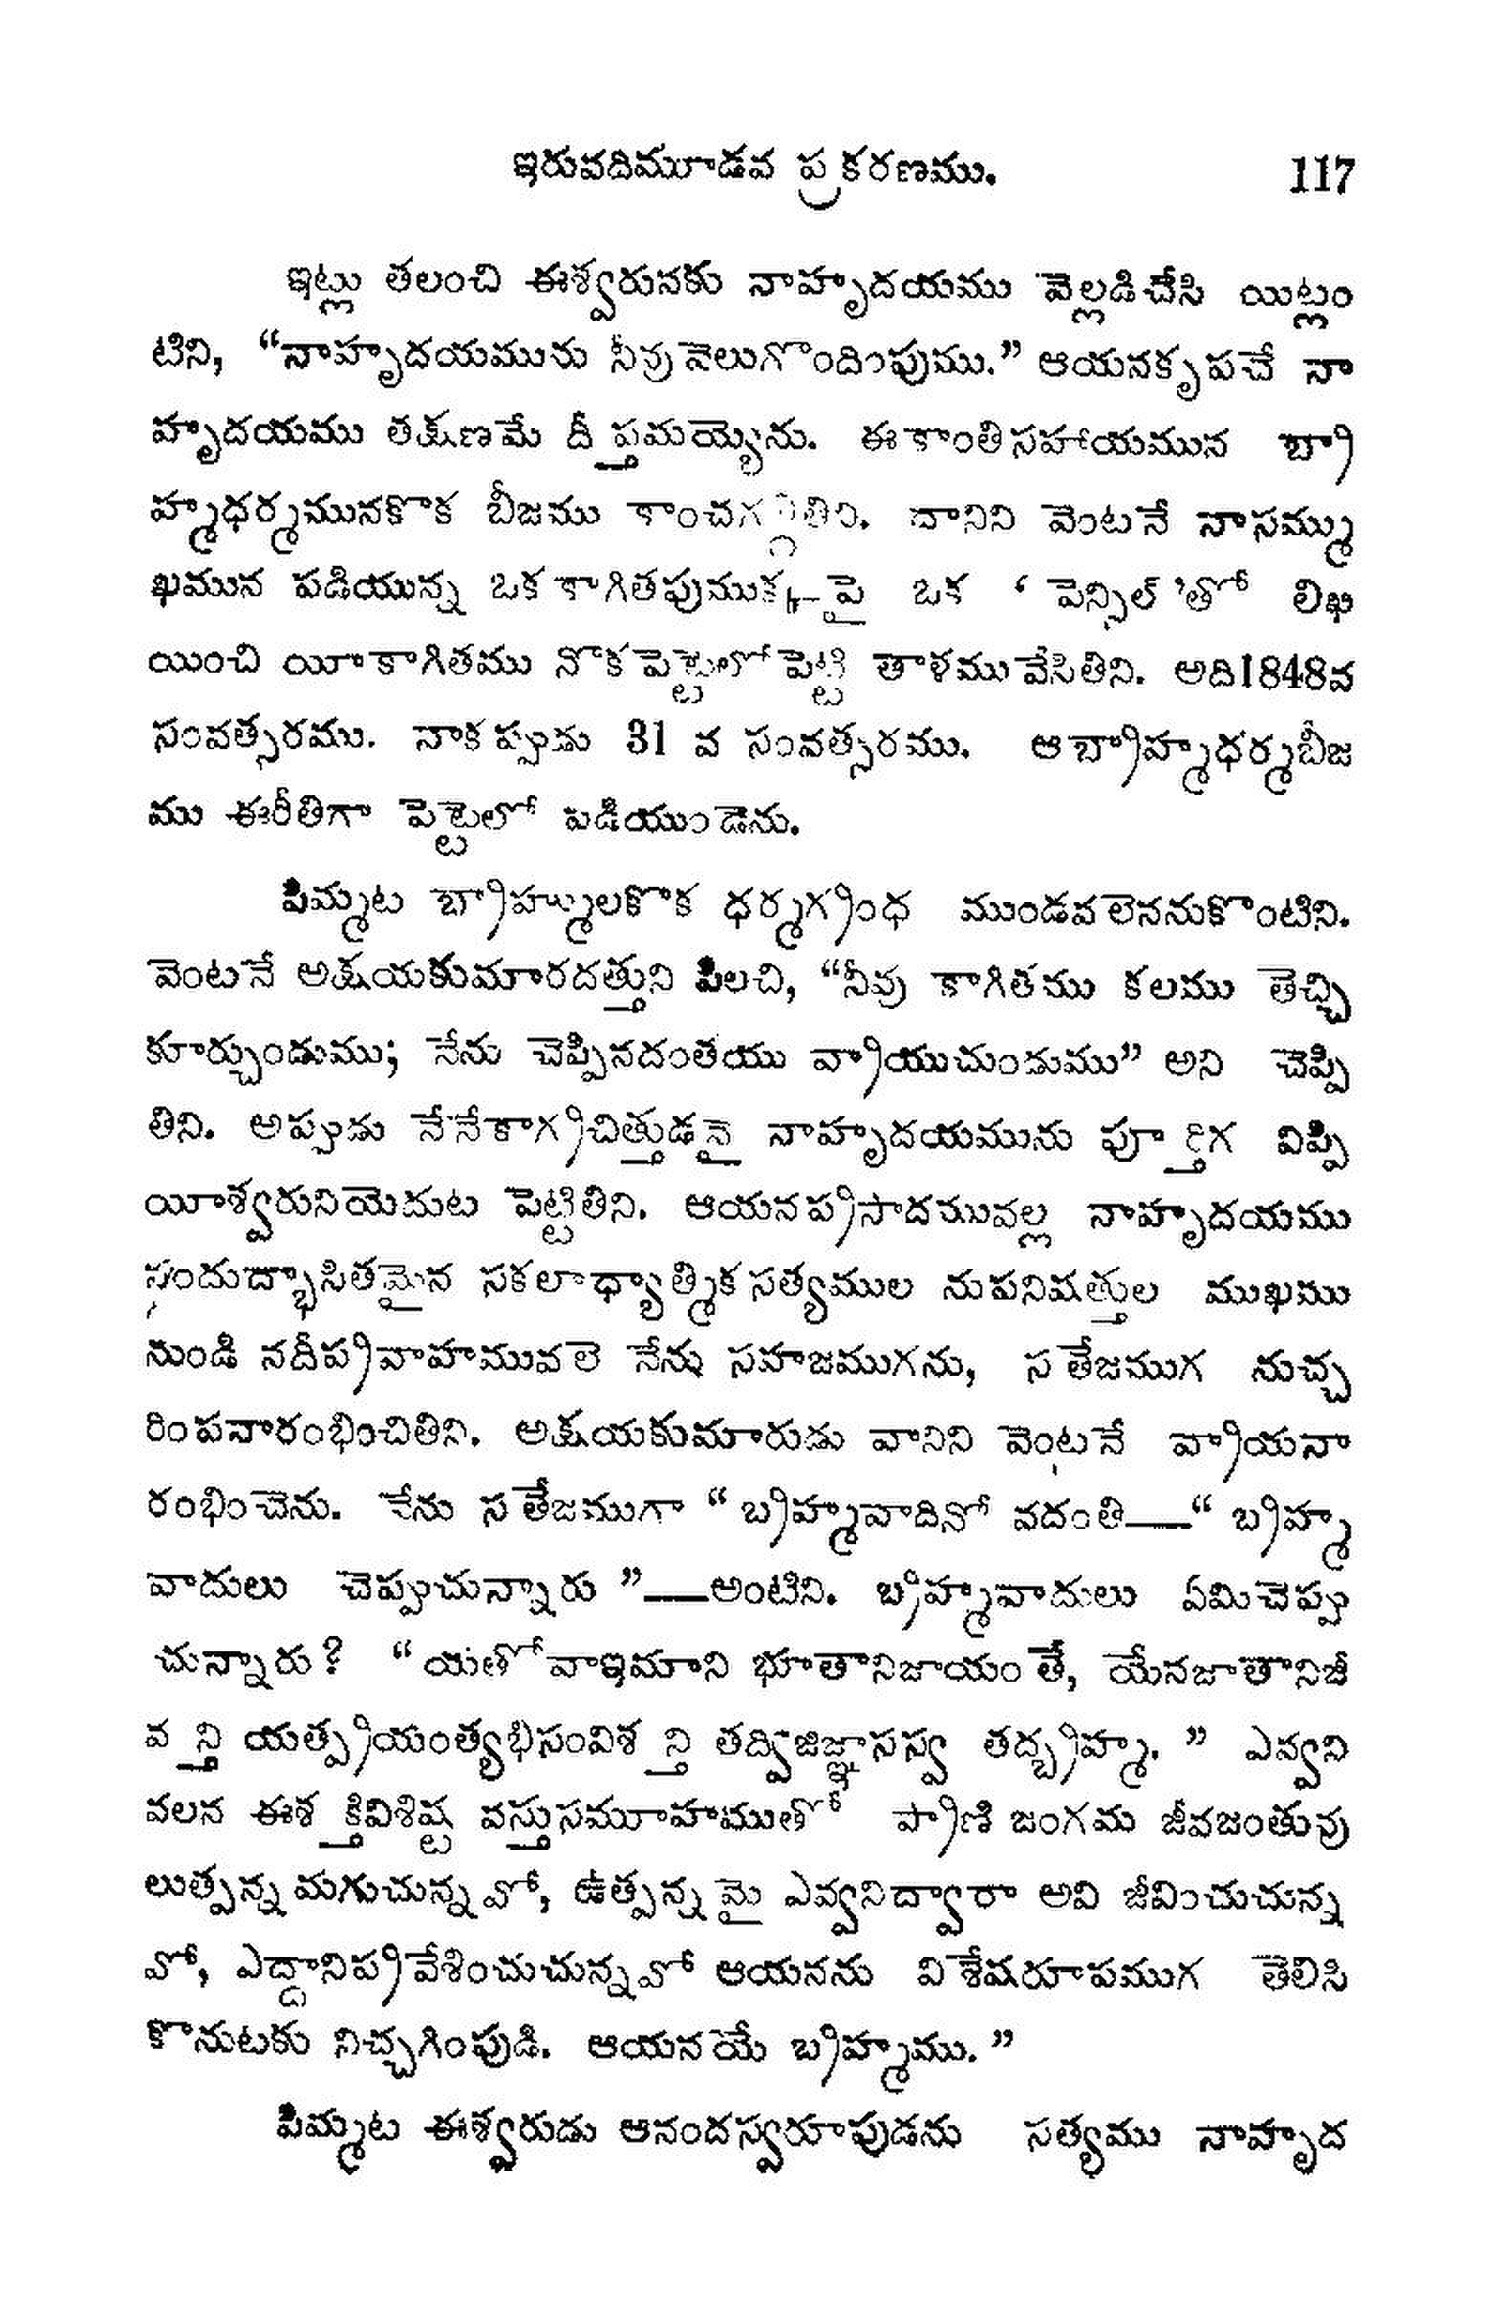ఇట్లు తలంచి ఈశ్వరునకు నాహృదయము "వెల్లడి చేసి యిట్లంటిని, 
“నాహృదయమును నీవు వెలుగొందింపుము. ” ఆయనకృపచే నా
హృదయము తకుణమే దీప్తమయ్యెను. ఈ కాంతి సహాయమున 
బ్రాహ్మధర్మమున కొకబీజము కాంచగల్గితిని. దానిని వెంటనే 
నాసమ్ముఖమున పడియున్న ఒక కాగితపుముక్క-పై ఒక పెన్సిల్ తో 
లిఖియించి యీ కాగితము నొక పెట్టెలో పెట్టి తాళము వేసితిని. 
అది 1848వసంవత్సరము. నాకప్పుడు 81 వ సంవత్సరము. 
ఆబ్రాహ్మధర్మ బీజము ఈరీతిగా పెట్టెలో పడియుండెను.

పిమ్మట బ్రాహ్ములకొక ధర్మగ్రంధ ముండవ లెననుకొంటిని.వెంటనే అక్షయకుమారదత్తుని పిలచి, “నీవు కాగితము కలము తెచ్చికూర్చుండుము; 
నేను చెప్పినదంతయు వ్రాయుచుండుము” అని చెప్పితిని. అప్పుడు 
నేనేకాగ్రచిత్తుడనై నాహృదయమును పూర్తిగా విప్పి యీశ్వరుని యెదుట 
పెట్టితిని, ఆయన ప్రసాదమువల్ల నాహృదయముసందు ద్భాసితమైన 
సకలాధ్యాత్మిక సత్యముల నుపనిషత్తుల ముఖమునుండి నదీప్రవాహమువలె 
"నేను సహజముగను, సతేజముగ నుచ్చరింప నారంభించితిని. 
అక్షయకుమారుడు వానిని వెంటనే వ్రాయనారంభించెను. 'నేను 
సతేజముగా బ్రహ్మవాదినో వదంతి బ్రహ్మ వాదులు చెప్పుచున్నారు అంటిని. 
బ్రహ్మవాదులు ఏమి చెప్పుచున్నారు? "యతో వాఇమాని భూతానిజాయంతే, యేనజాతానిజీవస్తే యత్ప్రయత్యభి సంవిశంతి తద్విజిజ్ఞానస్వ తద్బ్రహ్మ. " 
ఎవ్వని వలన ఈశక్తి విశిష్ట వస్తుసమూహముతో ప్రాణి జంగమ 
జీవజంతువులుత్పన్న మగుచున్నవో, ఉత్పన్న మై ఎవ్వని ద్వారా అవి జీవించుచున్నవో, ఎద్దానిప్రవేశించుచున్నవో ఆయనను విశేషరూపముగ 
తెలిసి కొనుటకు నిచ్చగింపుడి. ఆయనయే బ్రహ్మము. ”

పిమ్మట ఈశ్వరుడు ఆనంద స్వరూపుడను సత్యము నాహృద

"